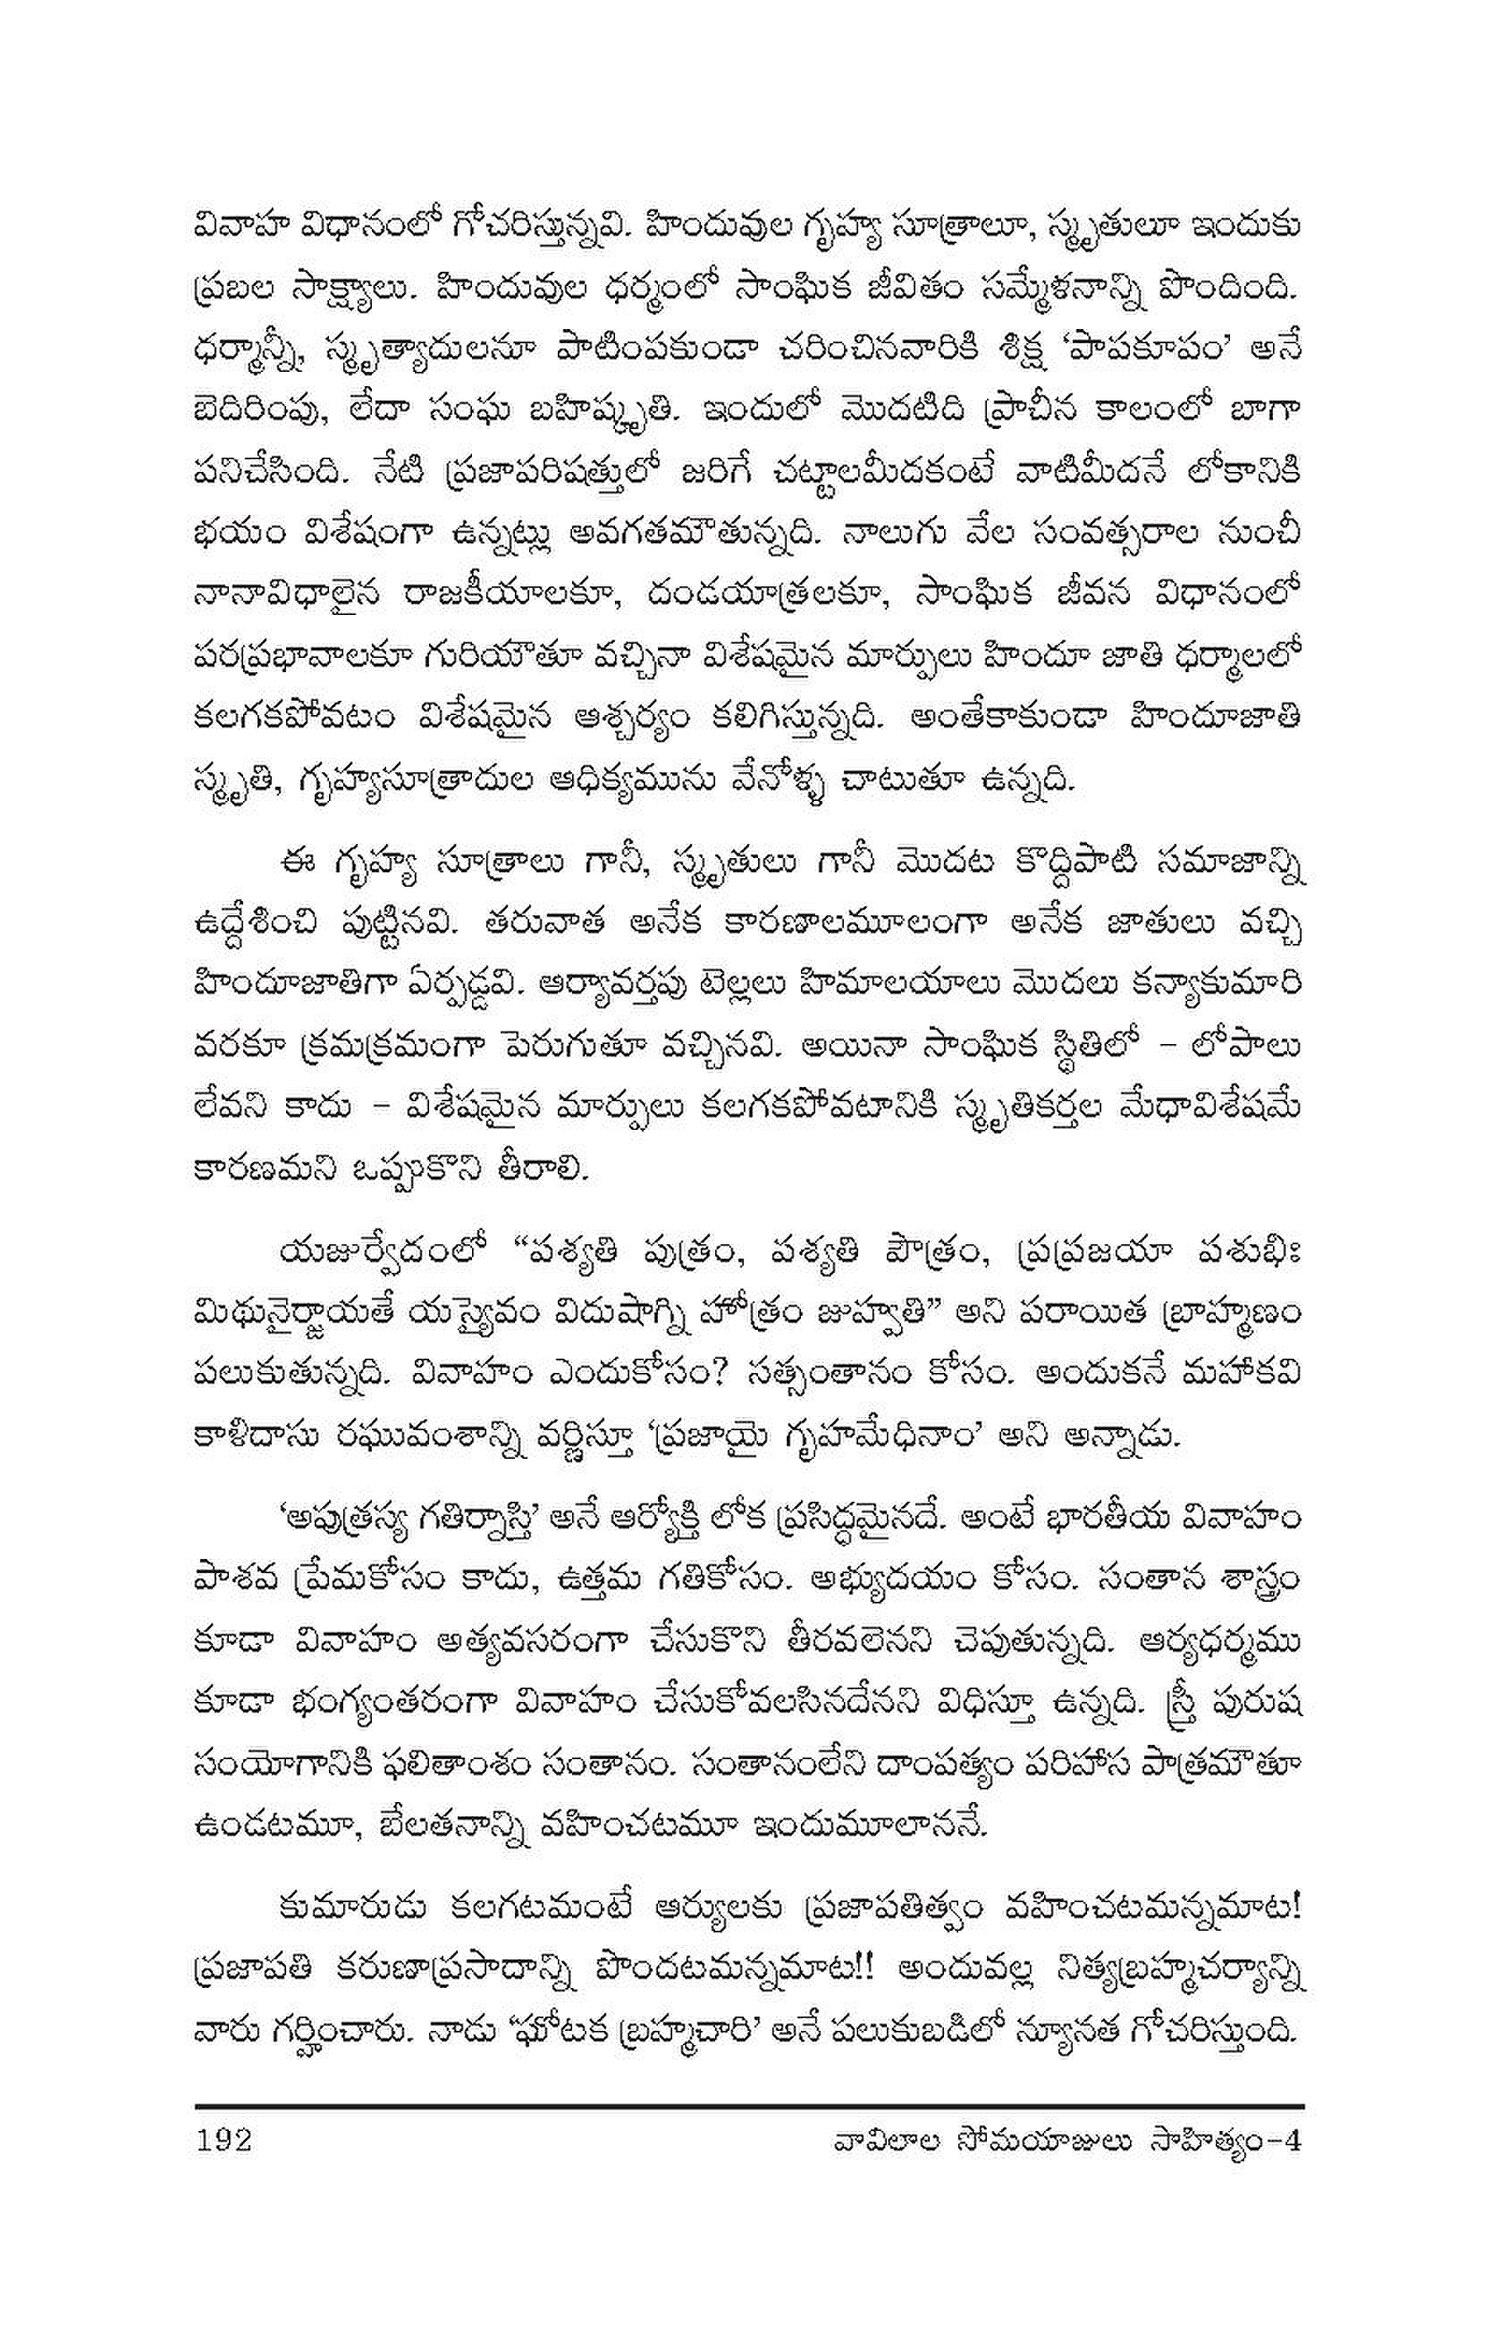వివాహ విధానంలో గోచరిస్తున్నవి. హిందువుల గృహ్య సూత్రాలూ, స్మృతులూ ఇందుకు
ప్రబల సాక్ష్యాలు. హిందువుల ధర్మంలో సాంఘిక జీవితం సమ్మేళనాన్ని పొందింది.
ధర్మాన్నీ, స్మృత్యాదులనూ పాటింపకుండా చరించినవారికి శిక్ష 'పాపకూపం' అనే
బెదిరింపు, లేదా సంఘ బహిష్కృతి. ఇందులో మొదటిది ప్రాచీన కాలంలో బాగా
పనిచేసింది. నేటి ప్రజాపరిషత్తులో జరిగే చట్టాలమీదకంటే వాటిమీదనే లోకానికి
భయం విశేషంగా ఉన్నట్లు అవగతమౌతున్నది. నాలుగు వేల సంవత్సరాల నుంచీ
నానావిధాలైన రాజకీయాలకూ, దండయాత్రలకూ, సాంఘిక జీవన విధానంలో
పరప్రభావాలకూ గురియౌతూ వచ్చినా విశేషమైన మార్పులు హిందూ జాతి ధర్మాలలో
కలగకపోవటం విశేషమైన ఆశ్చర్యం కలిగిస్తున్నది. అంతేకాకుండా హిందూజాతి
స్మృతి, గృహ్యసూత్రాదుల ఆధిక్యమును వేనోళ్ళ చాటుతూ ఉన్నది.

ఈ గృహ్య సూత్రాలు గానీ, స్మృతులు గానీ మొదట కొద్దిపాటి సమాజాన్ని
ఉద్దేశించి పుట్టినవి. తరువాత అనేక కారణాలమూలంగా అనేక జాతులు వచ్చి
హిందూజాతిగా ఏర్పడ్డవి. ఆర్యావర్తపు టెల్లలు హిమాలయాలు మొదలు కన్యాకుమారి
వరకూ క్రమక్రమంగా పెరుగుతూ వచ్చినవి. అయినా సాంఘిక స్థితిలో - లోపాలు
లేవని కాదు - విశేషమైన మార్పులు కలగకపోవటానికి స్మృతికర్తల మేధావిశేషమే
కారణమని ఒప్పుకొని తీరాలి.

యజుర్వేదంలో "పశ్యతి పుత్రం, పశ్యతి పౌత్రం, ప్రప్రజయా పశుభిః
మిథునైర్జాయతే యస్యైవం విదుషాగ్ని హోత్రం జుహ్వతి” అని పరాయిత బ్రాహ్మణం
పలుకుతున్నది. వివాహం ఎందుకోసం? సత్సంతానం కోసం. అందుకనే మహాకవి
కాళిదాసు రఘువంశాన్ని వర్ణిస్తూ 'ప్రజాయై గృహమేధినాం' అని అన్నాడు.

'అపుత్రస్య గతిర్నాస్తి' అనే ఆర్యోక్తి లోక ప్రసిద్ధమైనదే. అంటే భారతీయ వివాహం
పాశవ ప్రేమకోసం కాదు, ఉత్తమ గతికోసం. అభ్యుదయం కోసం. సంతాన శాస్త్రం
కూడా వివాహం అత్యవసరంగా చేసుకొని తీరవలెనని చెపుతున్నది. ఆర్యధర్మము
కూడా భంగ్యంతరంగా వివాహం చేసుకోవలసినదేనని విధిస్తూ ఉన్నది. స్త్రీ పురుష
సంయోగానికి ఫలితాంశం సంతానం. సంతానంలేని దాంపత్యం పరిహాస పాత్రమౌతూ
ఉండటమూ, బేలతనాన్ని వహించటమూ ఇందుమూలాననే.

కుమారుడు కలగటమంటే ఆర్యులకు ప్రజాపతిత్వం వహించటమన్నమాట!
ప్రజాపతి కరుణాప్రసాదాన్ని పొందటమన్నమాట!! అందువల్ల నిత్యబ్రహ్మచర్యాన్ని
వారు గర్హించారు. నాడు 'ఘోటక బ్రహ్మచారి' అనే పలుకుబడిలో న్యూనత గోచరిస్తుంది.